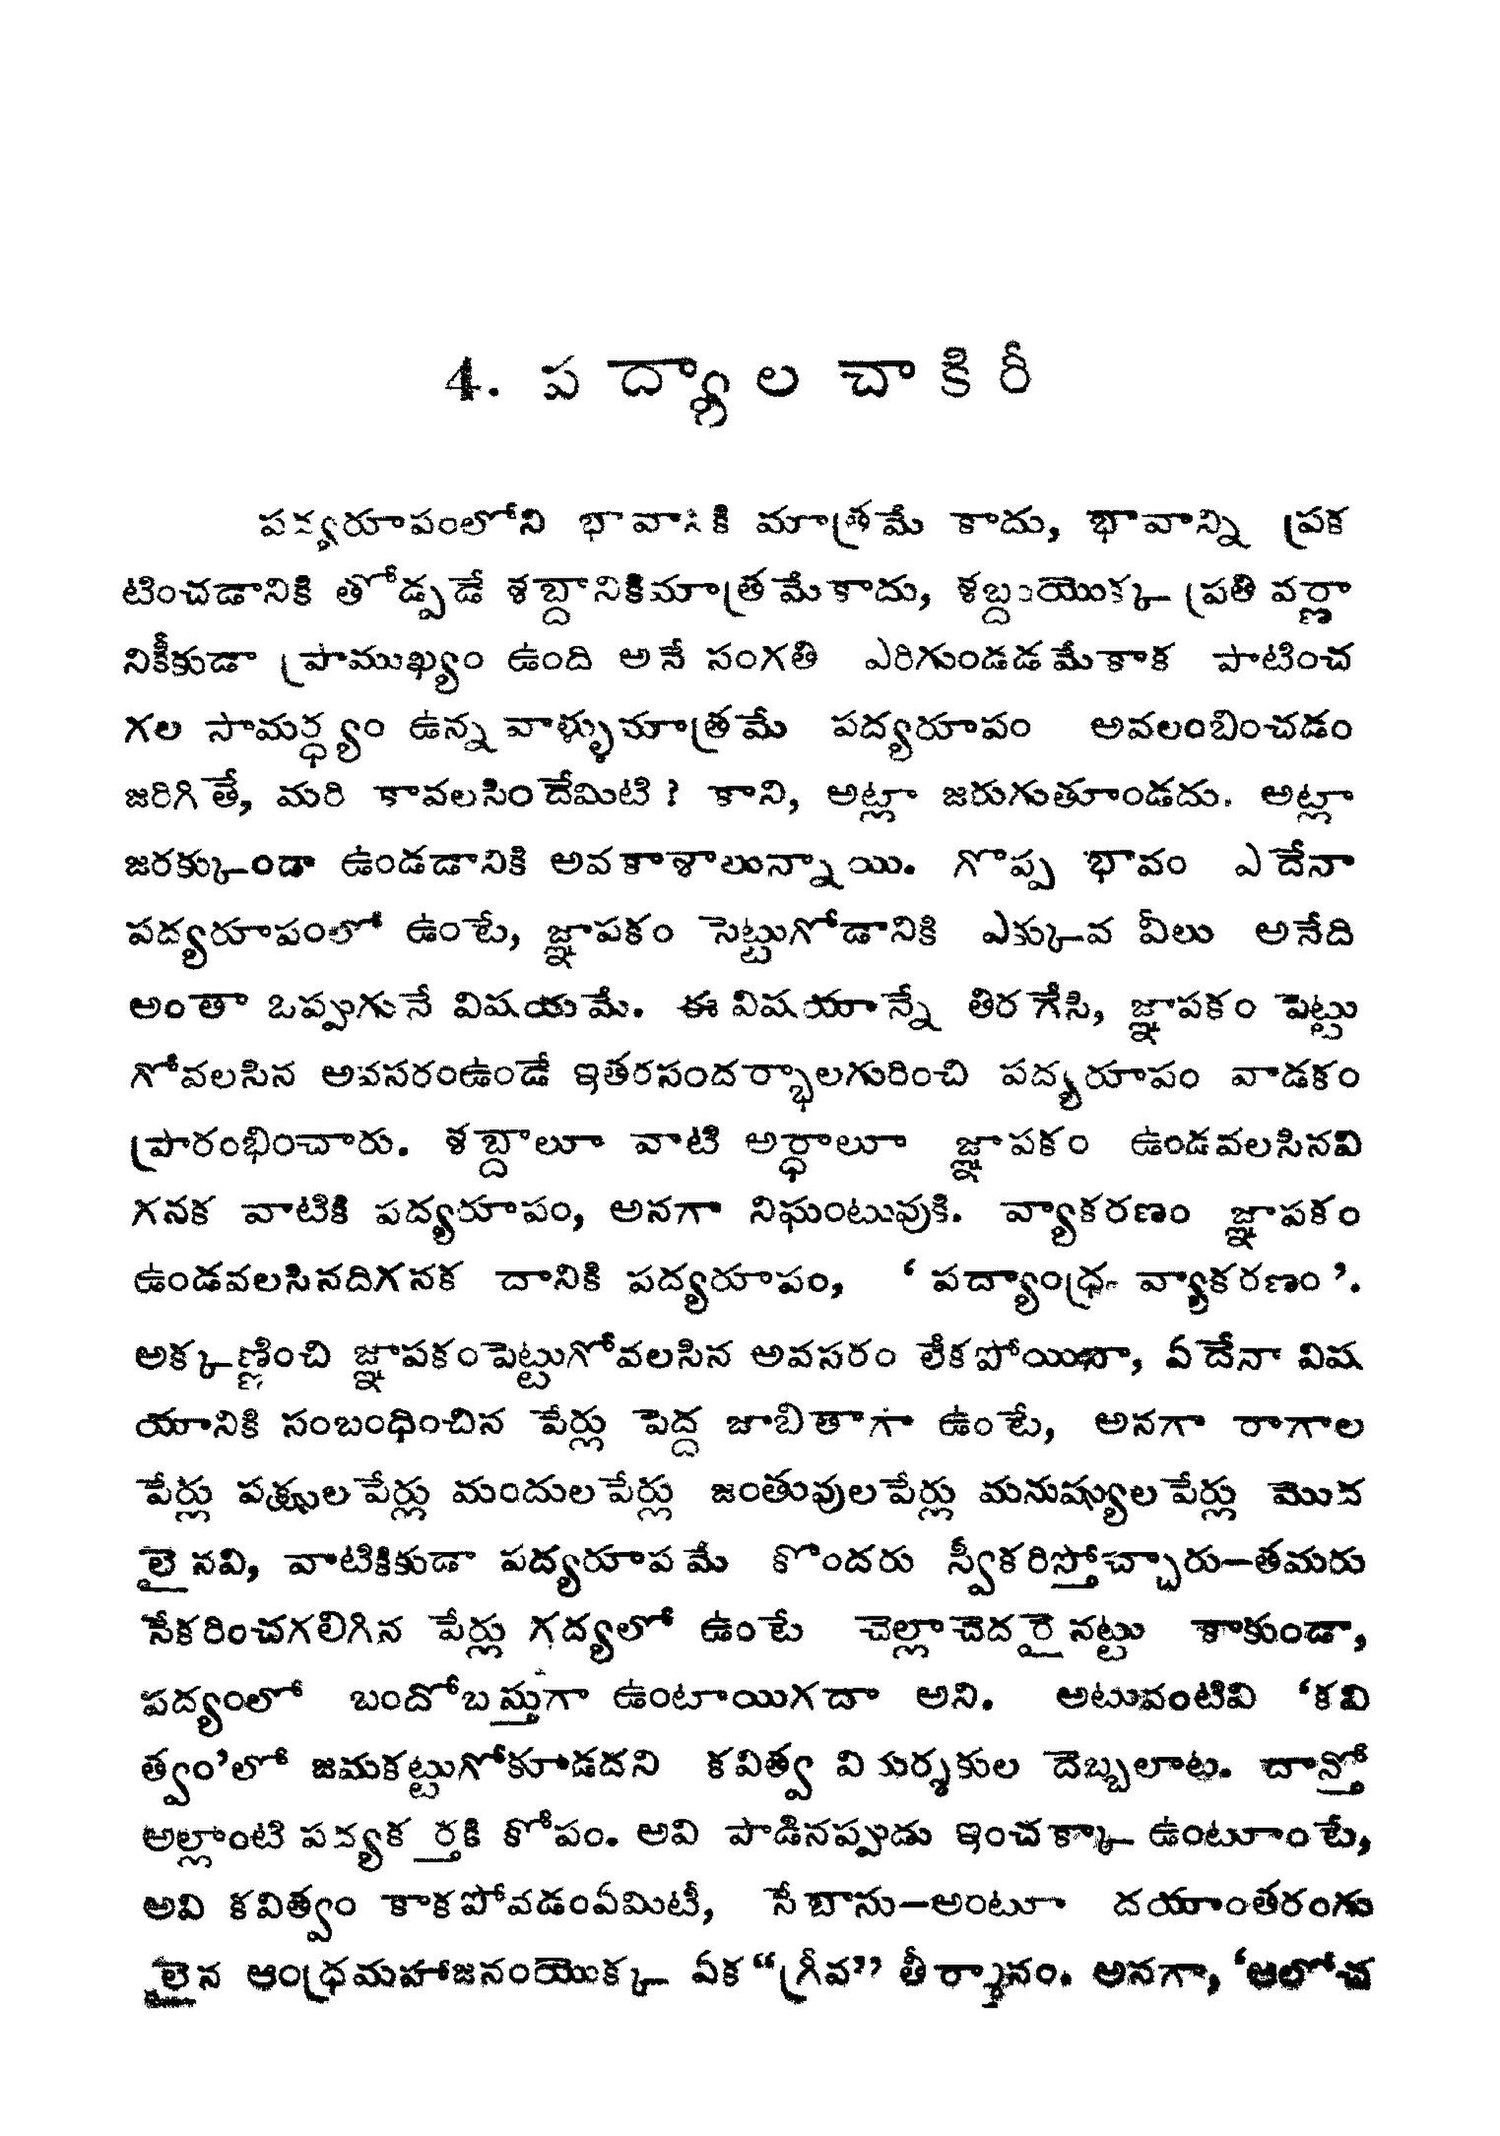4. పద్యాల చాకిరీ

పద్యరూపంలోని భావానికి మాత్రమే కాదు, భావాన్ని ప్రక
టించడానికి తోడ్పడే శబ్దానికిమాత్రమేకాదు, శబ్దంయొక్క ప్రతి వర్ణా
నికీకుడా ప్రాముఖ్యం ఉంది అనే సంగతి ఎరిగుండడమేకాక పాటించ
గల సామర్ధ్యం ఉన్న వాళ్ళుమాత్రమే పద్యరూపం అవలంబించడం
జరిగితే, మరి కావలసిందేమిటి ? కాని, అట్లా జరుగుతూండదు. అట్లా
జరక్కుండా ఉండడానికి అవకాశాలున్నాయి. గొప్ప భావం ఎదేనా
పద్యరూపంలో ఉంటే, జ్ఞాపకం పెట్టుగోడానికి ఎక్కువ వీలు అనేది
అంతా ఒప్పుగునే విషయమే. ఈ విషయాన్నే తిరగేసి, జ్ఞాపకం పెట్టు
గోవలసిన అవసరంఉండే ఇతరసందర్భాలగురించి పద్యరూపం వాడకం
ప్రారంభించారు. శబ్దాలూ వాటి అర్ధాలూ జ్ఞాపకం ఉండవలసినవి
గనక వాటికి పద్యరూపం, అనగా నిఘంటువుకి, వ్యాకరణం జ్ఞాపకం
ఉండవలసినదిగనక దానికి పద్యరూపం, ' పద్యాంధ్ర వ్యాకరణం'.
అక్కణ్ణించి జ్ఞాపకంపెట్టుగోవలసిన అవసరం లేకపోయినా, ఏదేనా విష
యానికి సంబంధించిన పేర్లు పెద్ద జాబితాగా ఉంటే, అనగా రాగాల
పేర్లు పక్షులపేర్లు మందులపేర్లు జంతువులపేర్లు మనుష్యులపేర్లు మొద
లైనవి, వాటికికుడా పద్యరూపమే కొందరు స్వీకరిస్తోచ్చారు-తమరు
సేకరించగలిగిన పేర్లు గద్యలో ఉంటే చెల్లాచెదరైనట్టు కాకుండా,
పద్యంలో బందోబస్తుగా ఉంటాయిగదా అని, అటువంటివి 'కవి
త్వం'లో జమకట్టుగోకూడదని కవిత్వ విమర్శకుల దెబ్బలాట. దాన్తో
అల్లాంటి పద్యకర్తకి కోపం. అవి పాడినప్పుడు ఇంచక్కా ఉంటూంటే,
అవి కవిత్వం కాకపోవడం ఏమిటీ, సే బాసు-అంటూ దయాంతరంగు
లైన ఆంధ్రమహాజనంయొక్క ఏక “గ్రీవ" తీర్మానం. అనగా, 'ఆలోచ